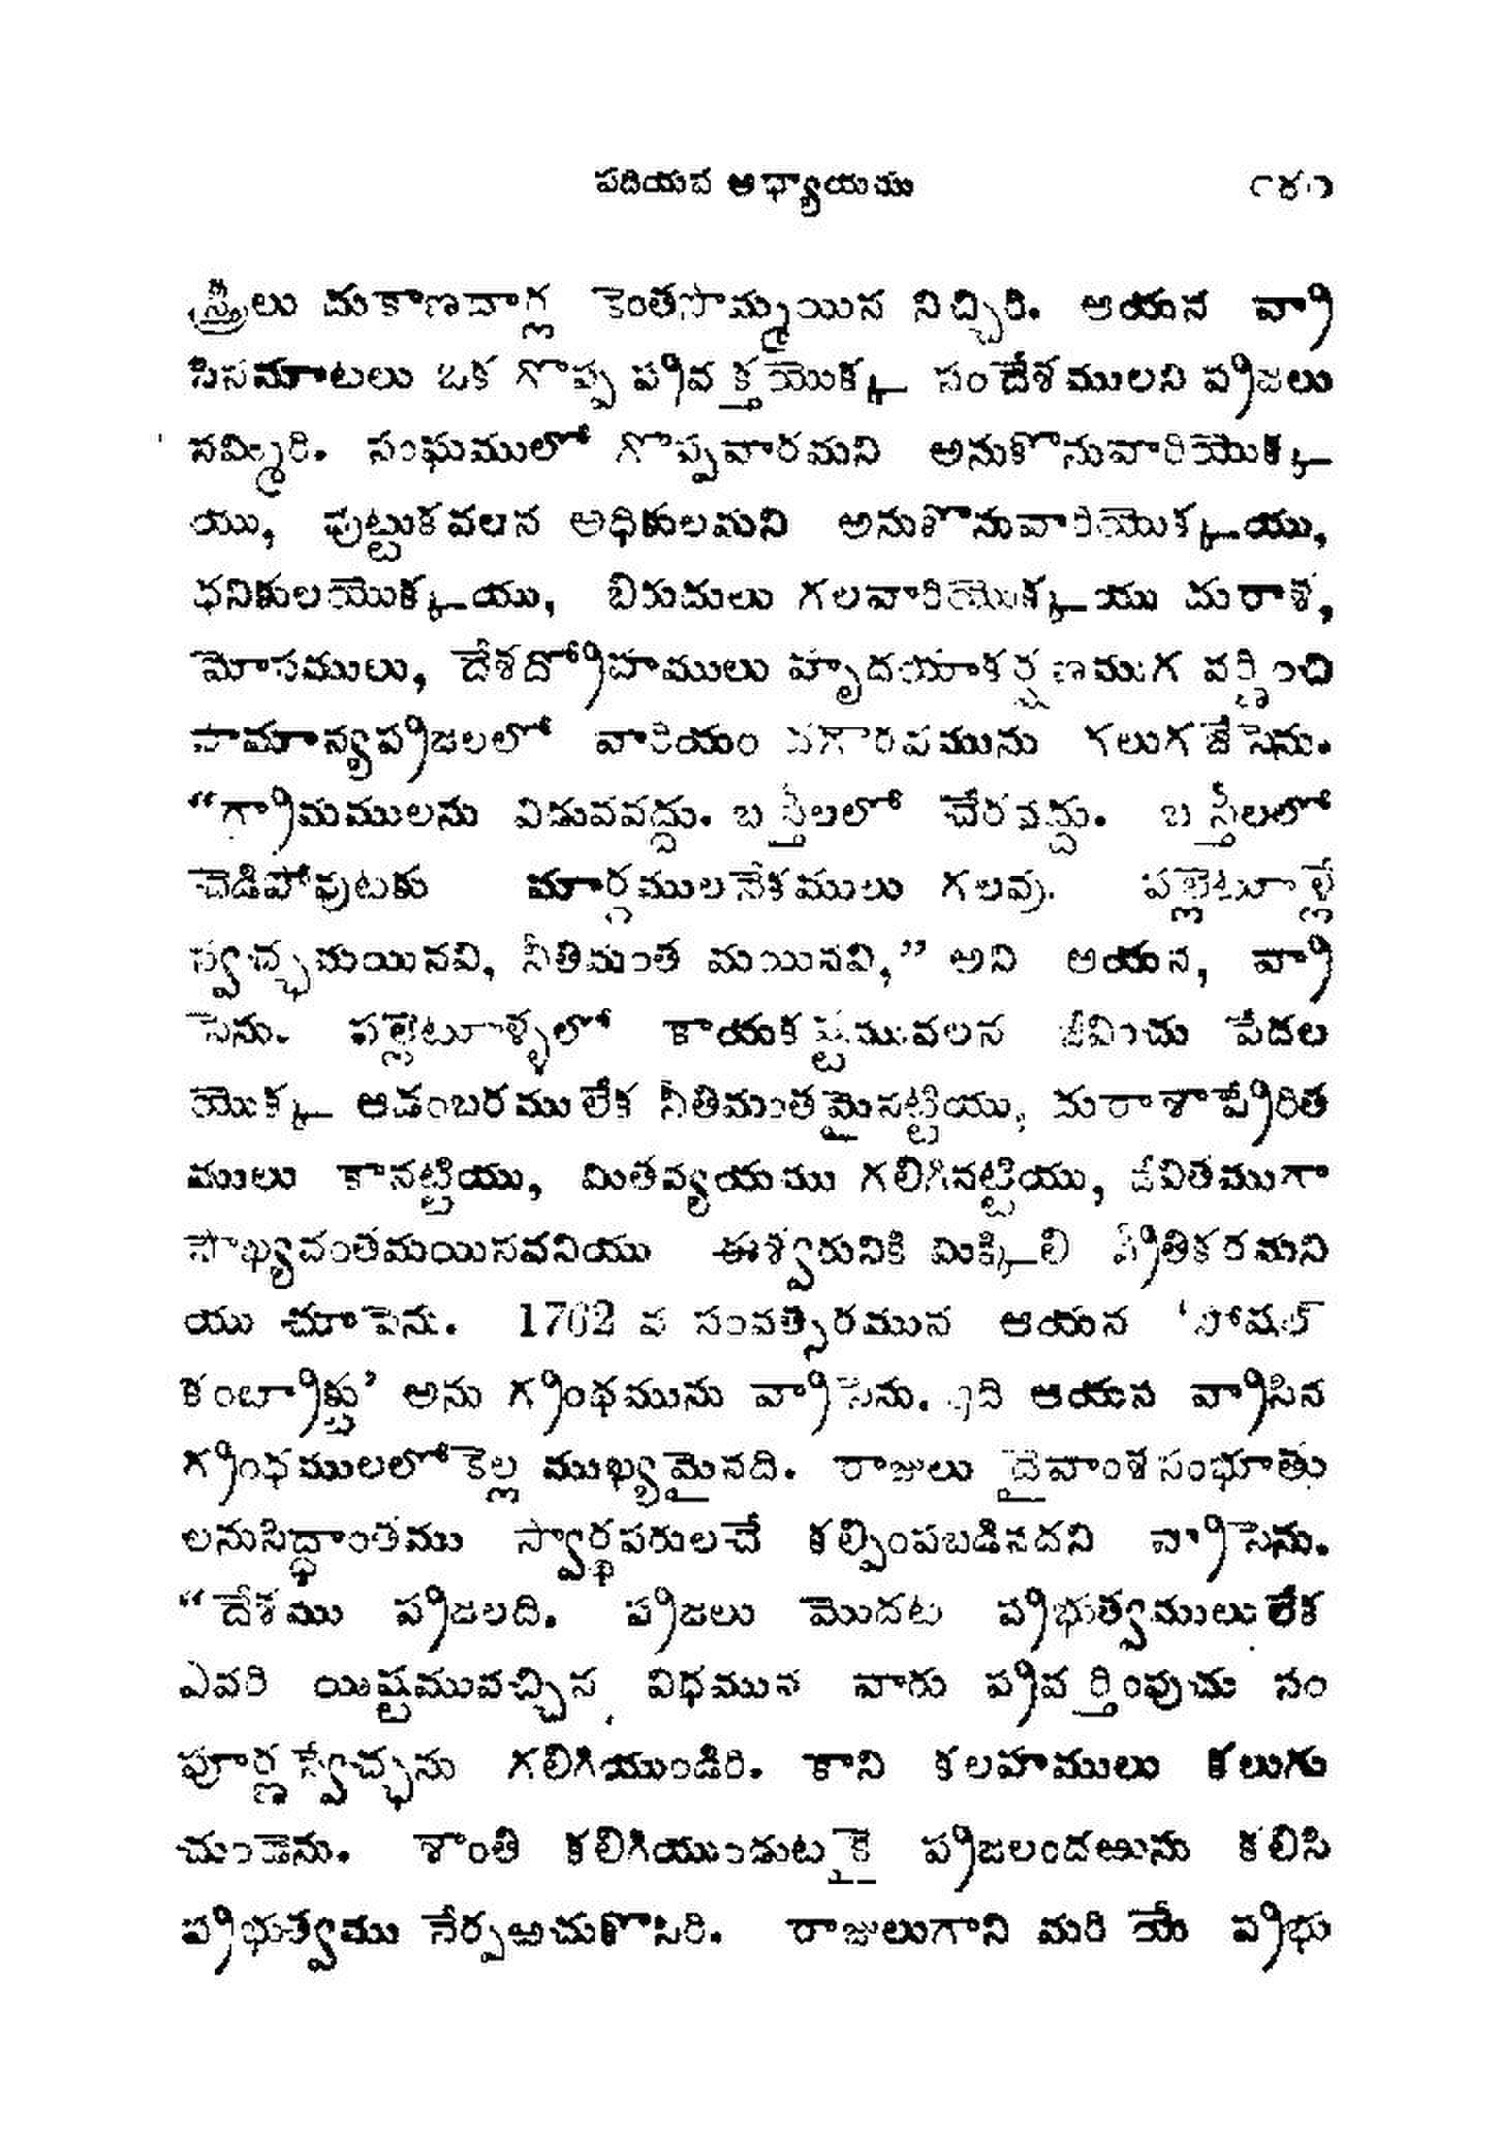స్త్రీలు దుకాణదార్ల కెంత సొమ్మయిన నిచ్చిరి. ఆయన వ్రా
సిన మాటలు ఒక గొప్ప ప్రవక్త యొక్క సందేశములని ప్రజలు
నమ్మిరి. సంఘములో గొప్పవారమని అనుకొను వారి యొక్క
యు, పుట్టుక వలన అధికులమని అనుకొనువారి యొక్కయు,
ధనికుల యొక్కయు, బిరుదములు గలవారియొక్కయు దురాశ,
మోసములు, దేశ ద్రోహములు హృదయాకర్షణముగ వర్ణించి 
సామాన్య ప్రజలలో వారియంద గౌరవమును కలుగ చేసెను.
గ్రామములను విడువవద్దు. బస్తీలలో చేర వద్దు. బస్తీలలో
చెడిపోవుటకు మార్గముల నేకములు గలవు." పల్లెటూళ్లే
స్వచ్ఛమయినవి, నీతిమంత మయినవి,” అని అయన, వ్రా
సెను. పల్లెటూళ్ళలో కాయకష్టము వలన జీవించు పేదల 
యొక్క ఆడంబరము లేక నీతిమంత మైనట్టియు, దురాశా ప్రేరిత
ములు కానట్టియు, మితవ్యయము గలిగి నట్టియు, చవితముగా
సౌఖ్యవంతమయినవనియు ఈశ్వరునికి మిక్కిలి ప్రీతికరమని
యు చూపెను.. 1752 వ సువత్సరమున ఆయన 'సోషల్
కంట్రాక్టు' అను గ్రంథమును వాసెను. . ఇది ఆయన వ్రాసిన
గంధములలో కెల్ల ముఖ్యమైనది. రాజులు దైవాంశ సంభూతు
లను సిద్ధాంతము స్వార్థ పరులచే కల్పింపబడినదని వ్రాసెను.
" దేశము ప్రజలది. ప్రజలు మొదట ప్రభుత్వములు లేక
ఎవరి యిష్టమువచ్చిన, విధమున వారు ప్రవర్తింపుచు సం
పూర్ణ స్వేచ్ఛను గలిగియుండిరి. కాని కలహములు కలుగు
చుండెను. శాంతి కలిగియుండుటకై ప్రజలందఱును కలిసి
ప్రభుత్వము నేర్పఱచుకొసిరి. రాజులుగాని మరి యే ప్రభు